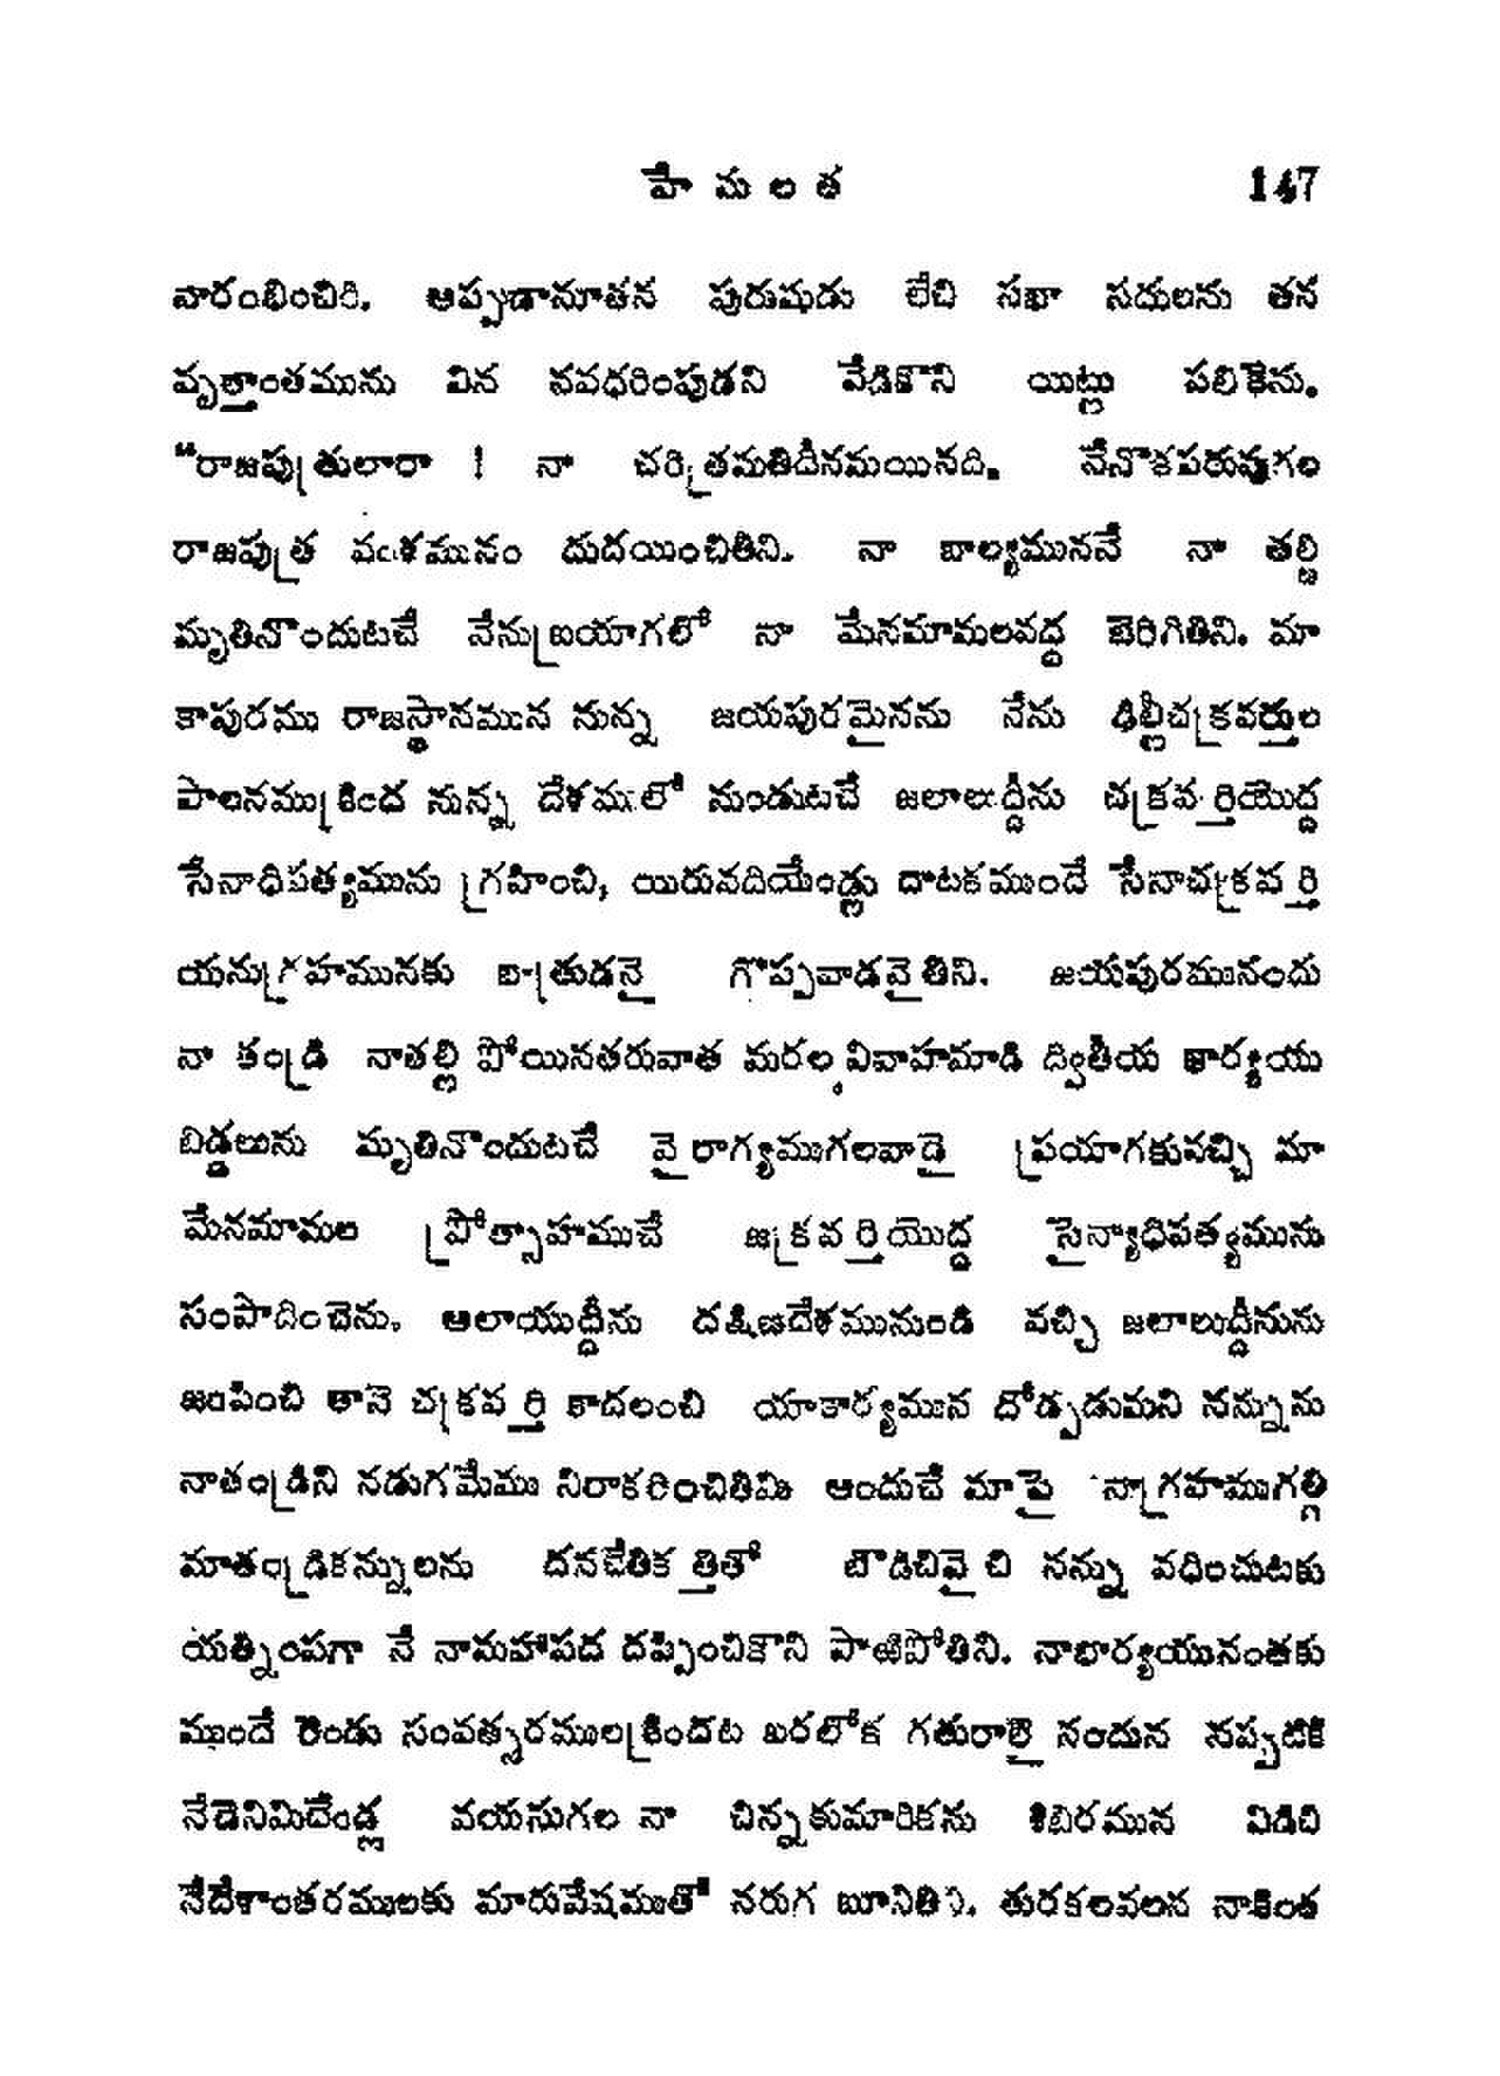నారంభించిరి. అప్పుడానూతన పురుషుడు లేచి సభా సదులను తన వృత్తాంతమును విన నవధరింపుడని వేడికొని యిట్లు పలికెను. “రాజపుత్రులారా! నా చరిత్రముతిదీనమయినది. నేనొకపరువుగల రాజపుత్ర వంశమునం దుదయించితిని. నా బాల్యముననే నా తల్లి మృతినొందుటచే నేను బ్రయాగలో నా మేనమామలవద్ద బెరిగితిని. మా కాపురము రాజస్థానమున నున్న జయపురమైనను నేను ఢిల్లీ చక్రవర్తుల పాలనము క్రింద నున్న దేశములో నుండుటచే జలాలుద్దీను చక్రవర్తియొద్ద సేనాధిపత్యమును గ్రహించి, యిరువదియేండ్లు దాటకముందే సేనాచక్రవర్తి యను గ్రహమునకు బాత్రుడనై గొప్పవాడనైతిని. జయపురమునందు నా తండ్రి నాతల్లి పోయిన తరువాత మరల వివాహమాడి ద్వితీయ భార్యయు బిడ్డలును మృతినొందుటచే వైరాగ్యముగలవాడై ప్రయాగకువచ్చి మా మేనమామల ప్రోత్సాహముచే జక్రవర్తి యొద్ద సైన్యాధిపత్యమును సంపాదించెను. అలాయుద్దీను దక్షిణదేశమునుండి వచ్చి జలాలుద్దీనును జంపించి తానె చక్రవర్తి కాదలంచి యాకార్యమున దోడ్పడుమని నన్నును నాతండ్రిని నడుగ మేము నిరాకరించితిమి. అందుచే మాపై నాగ్రహముగల్గి మాతండ్రికన్నులను దనచేతికత్తితో పొడిచివైచి నన్ను వధించుటకు యత్నింపగా నే నామహాపద దప్పించికొని పాఱిపోతిని. నాభర్యయునంతకు ముందే రెండు సంవత్సరముల క్రిందట పరలోక గతురాలై నందున నప్పటికి నేడెనిమిదేండ్ల వయసుగల నా చిన్న కుమారికను శిబిరమున విడిచి నేదేశాంతరములకు మారువేషముతో నరుగ బూనితి. తురకలవలన నాకింత